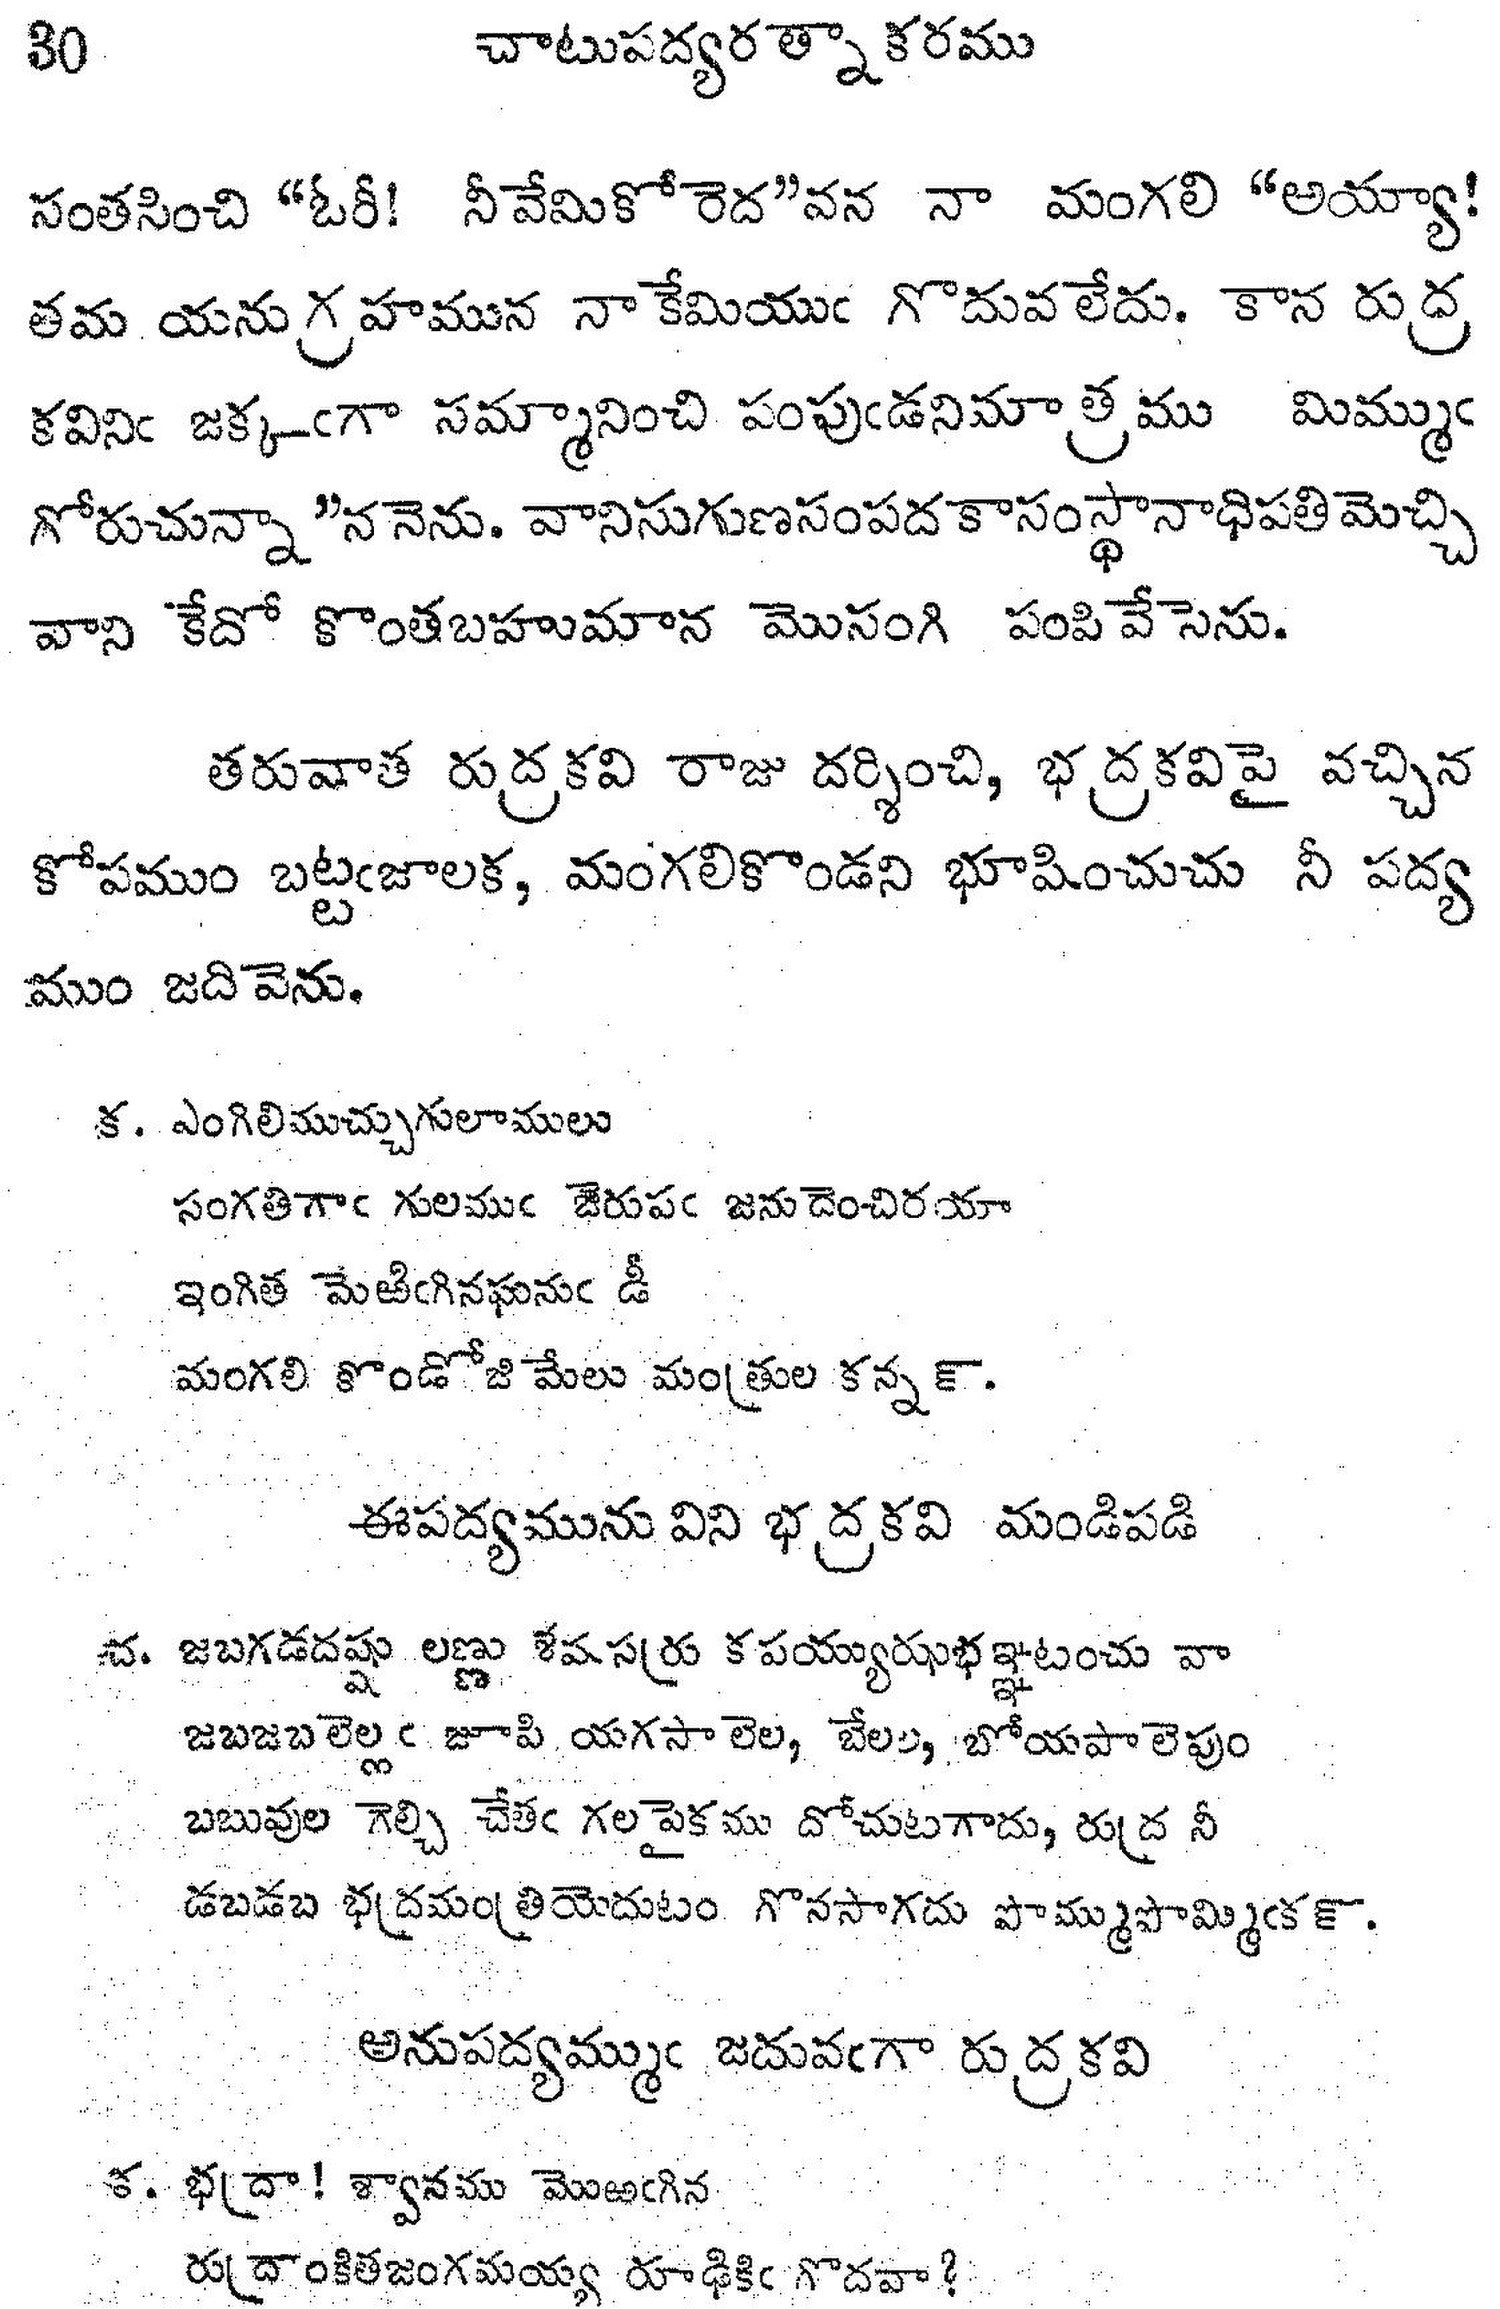సంతసించి “ఓరీ! నీవేమి కోరెద” వన నా మంగలి “అయ్యా! తమ యనుగ్రహమున నాకేమియుఁ గొదువలేదు. కాన రుద్రకవినిఁ జక్కఁగా సన్మానించి పంపుఁడని మాత్రము మిమ్ముఁ గోరుచున్నా” ననెను. వానిసుగుణసంపద కాసంస్థానాధిపతి మెచ్చి వాని కేదో కొంతబహుమాన మొసంగి పంపివేసెను.

తరువాత రుద్రకవి రాజు దర్శించి, భద్రకవిపై వచ్చిన కోపముం బట్టఁజాలక, మంగలికొండని భూషించుచు నీపద్యముం జదివెను.

క. ఎంగిలిముచ్చుగులాములు
 సంగతిగా గులము జరుప జనుదెంచిరయా
 ఇంగిత మెరిగిన ఘనుడీ
 మంగలి కొండోజి మేలు మంత్రులకన్నన్

ఈపద్యమును విని భద్రకవి మండిపడి

చ. జబగడదష్షు లణ్ణు శషసర్రు కపయ్యుఝభఞ్ఞటంచు వా
 జబజబలెల్లఁ జూపి యగసాలెల, బేలల, బోయపాలెపుం
 బబువుల గెల్చి చేతఁ గలపైకము దోచుటగాదు, రుద్ర నీ
 డబడబ భద్రమంత్రియెదుటం గొనసాగదు పొమ్ముపొమ్మికన్.

అనుపద్యమ్ముఁ జదువఁగా రుద్రకవి

క. భద్రా! శ్వానము మొఱఁగిన
 రుద్రాంకితజంగమయ్య రూఢికిఁ గొదవా?